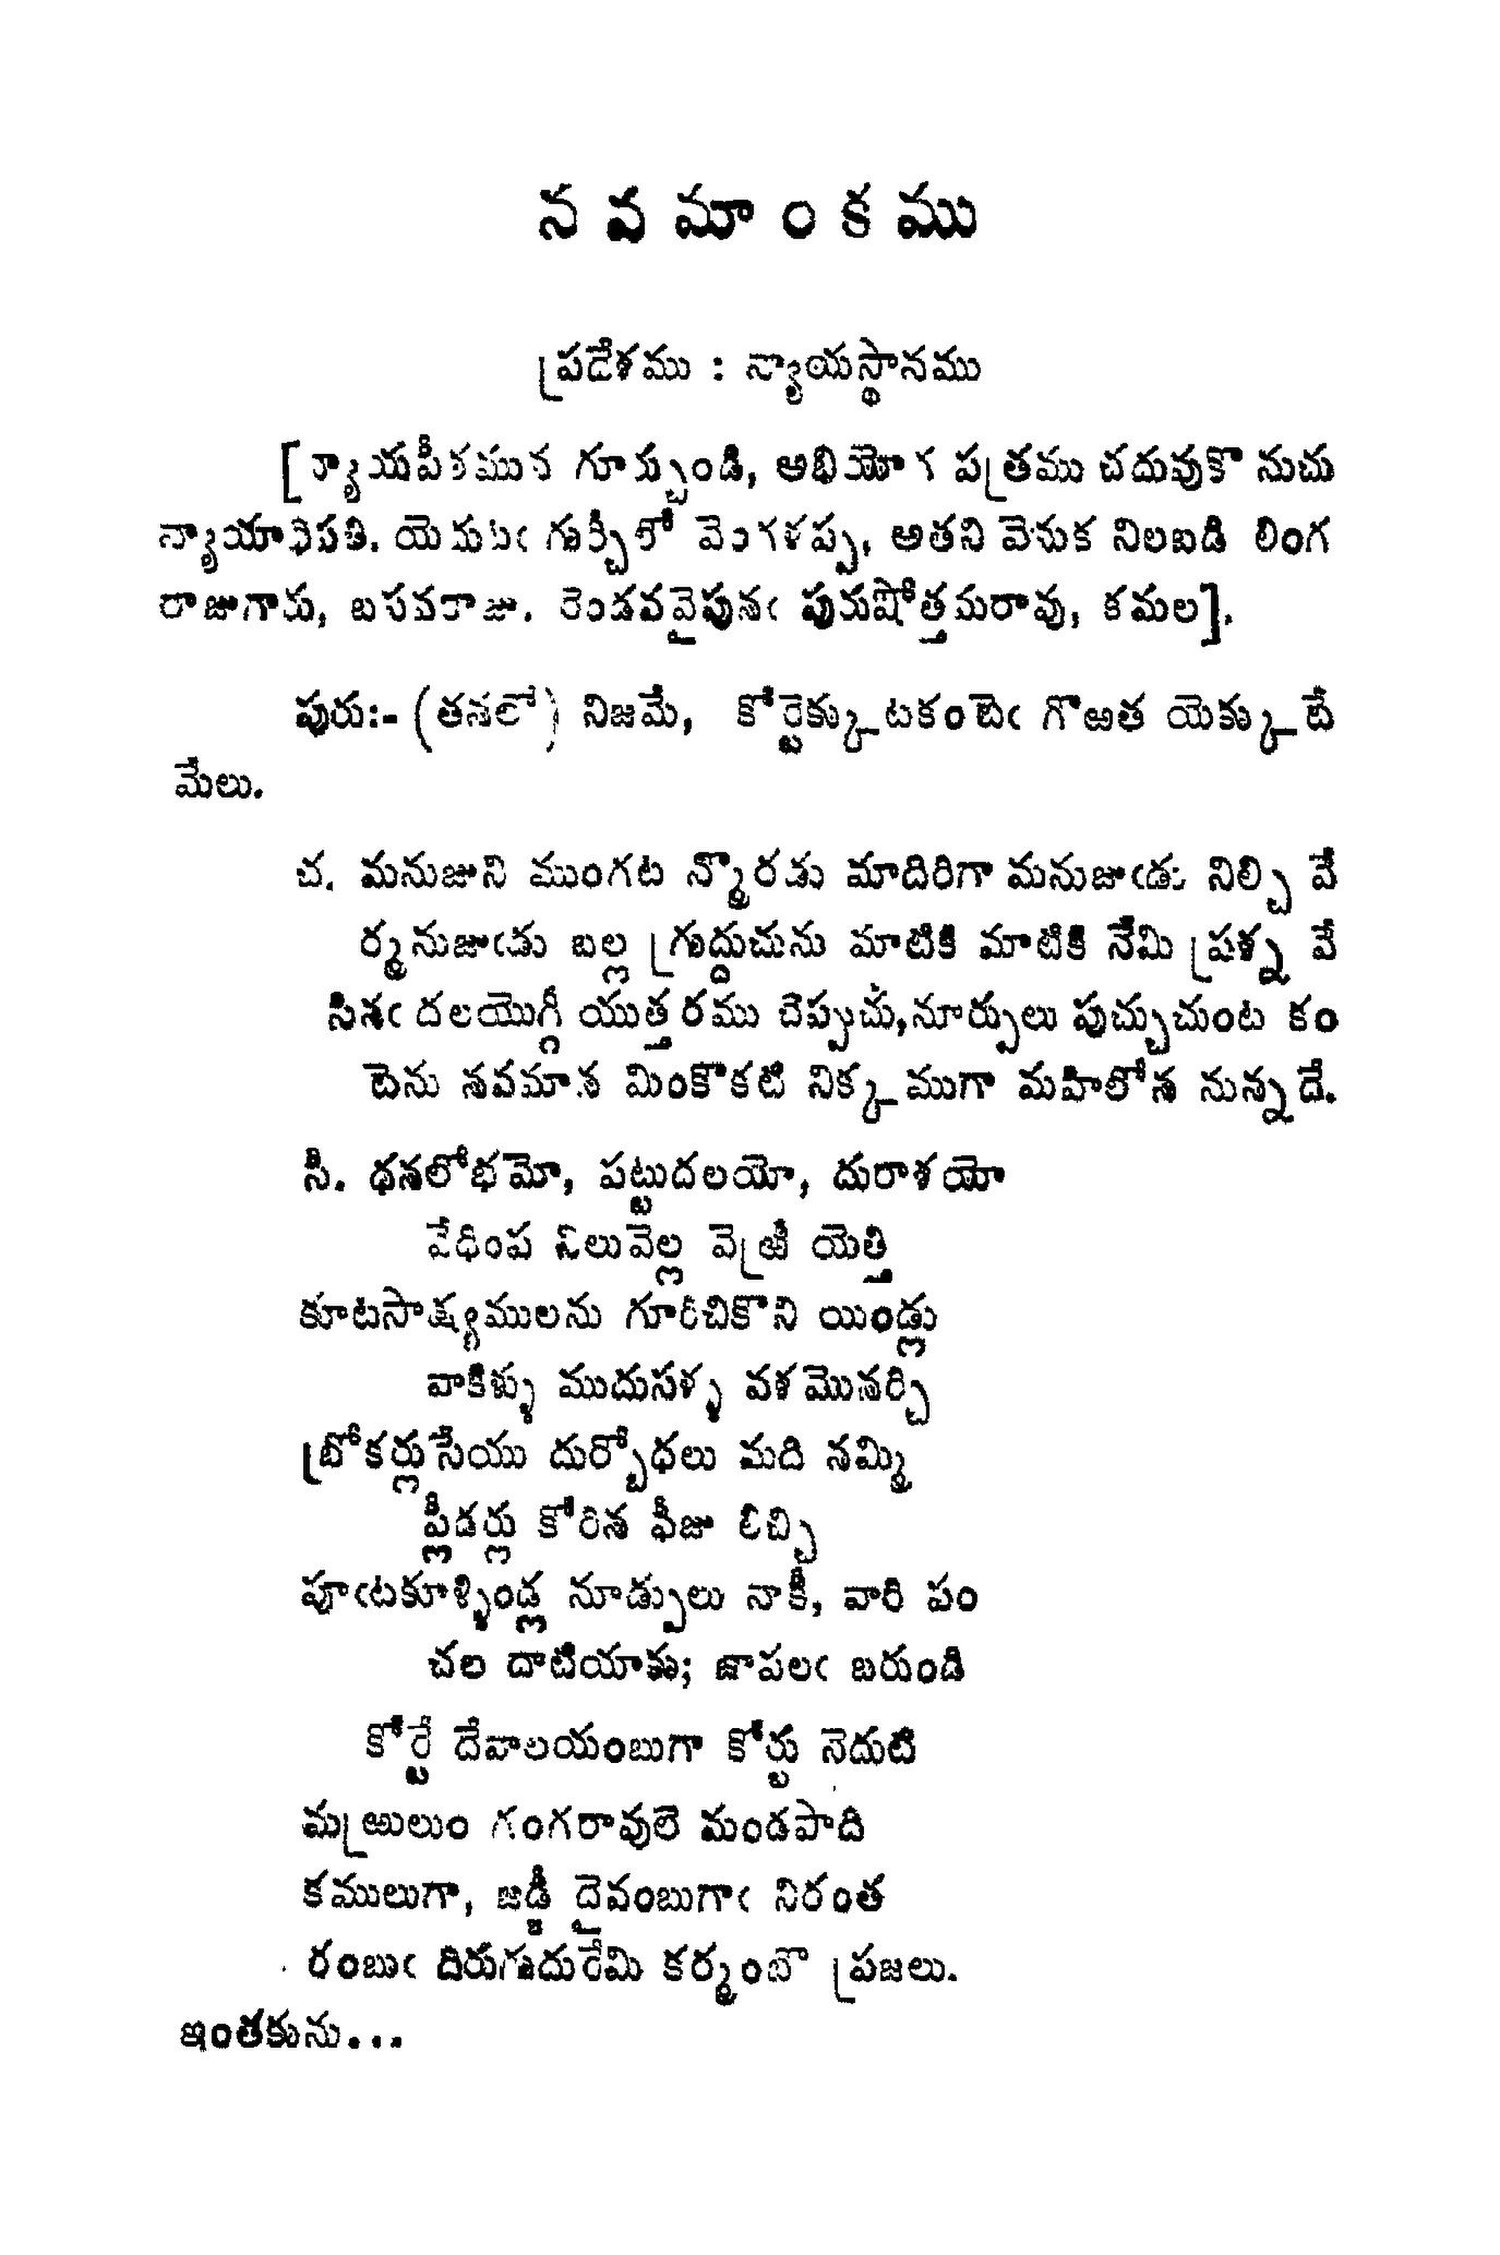నవమాంకము
 

(న్యాయపీఠమున గూర్చుండి, అభియోగ పత్రము చదువుకొనుచు న్యాయాధిపతి, యెదుటఁ గుర్చీలో వెంగళప్ప, అతని వెనుక నిలబడి లింగరాజుగారు, బసవరాజు, రెండవవైపునఁ పురుషోత్తమరావుగారు, కమల.)

పురు :- (తనలో) నిజమే, కోర్టెక్కుటకంటెఁ గొఱత యెక్కుటే మేలు.

చ. మనుజుని ముంగట న్మొరడు మాదిరిగా మనుజుఁడు నిల్చి వే
 ర్మనుజుఁడు బల్ల గ్రుద్దుచును మాటికి మాటికి నేమి ప్రశ్న వే
 సినఁ దలయొగ్గీ యుత్తరము చెప్పుచు, నూర్పులు పుచ్చుచుంట కం
 టెను నవమాన మింకొకటి నిక్కముగా మహిలోన నున్నదే.

సీ. ధనలోభమో, పట్టుదలయో, దురాశయో
 వేధింప నిలువెల్ల వెఱ్రి యెత్తి
 కూటసాక్ష్యములను గూరిచికొని యిండ్లు
 వాకిళ్లు ముదుసళ్ళ వశ మొనర్చి
 బ్రోకర్లుసేయు దుర్బోధలు మది నమ్మి
 ప్లీడర్లు కోరిన ఫీజు లిచ్చి
 పూఁటకూళ్ళిండ్ల నూడ్పులు నాకి, వారి పం
 చల దాటియాకు; జాపలఁ బరుండి

 కోర్టే దేవాలయంబుగా కోర్టు నెదుటి
 మఱ్రులుం గంగరావులె మంటపాది
 కములుగా, జడ్జీ దైవంబుగా నిరంత
 రంబుఁ దిరుగుదురేమి కర్మంబొ ప్రజలు.
ఇంతకును-